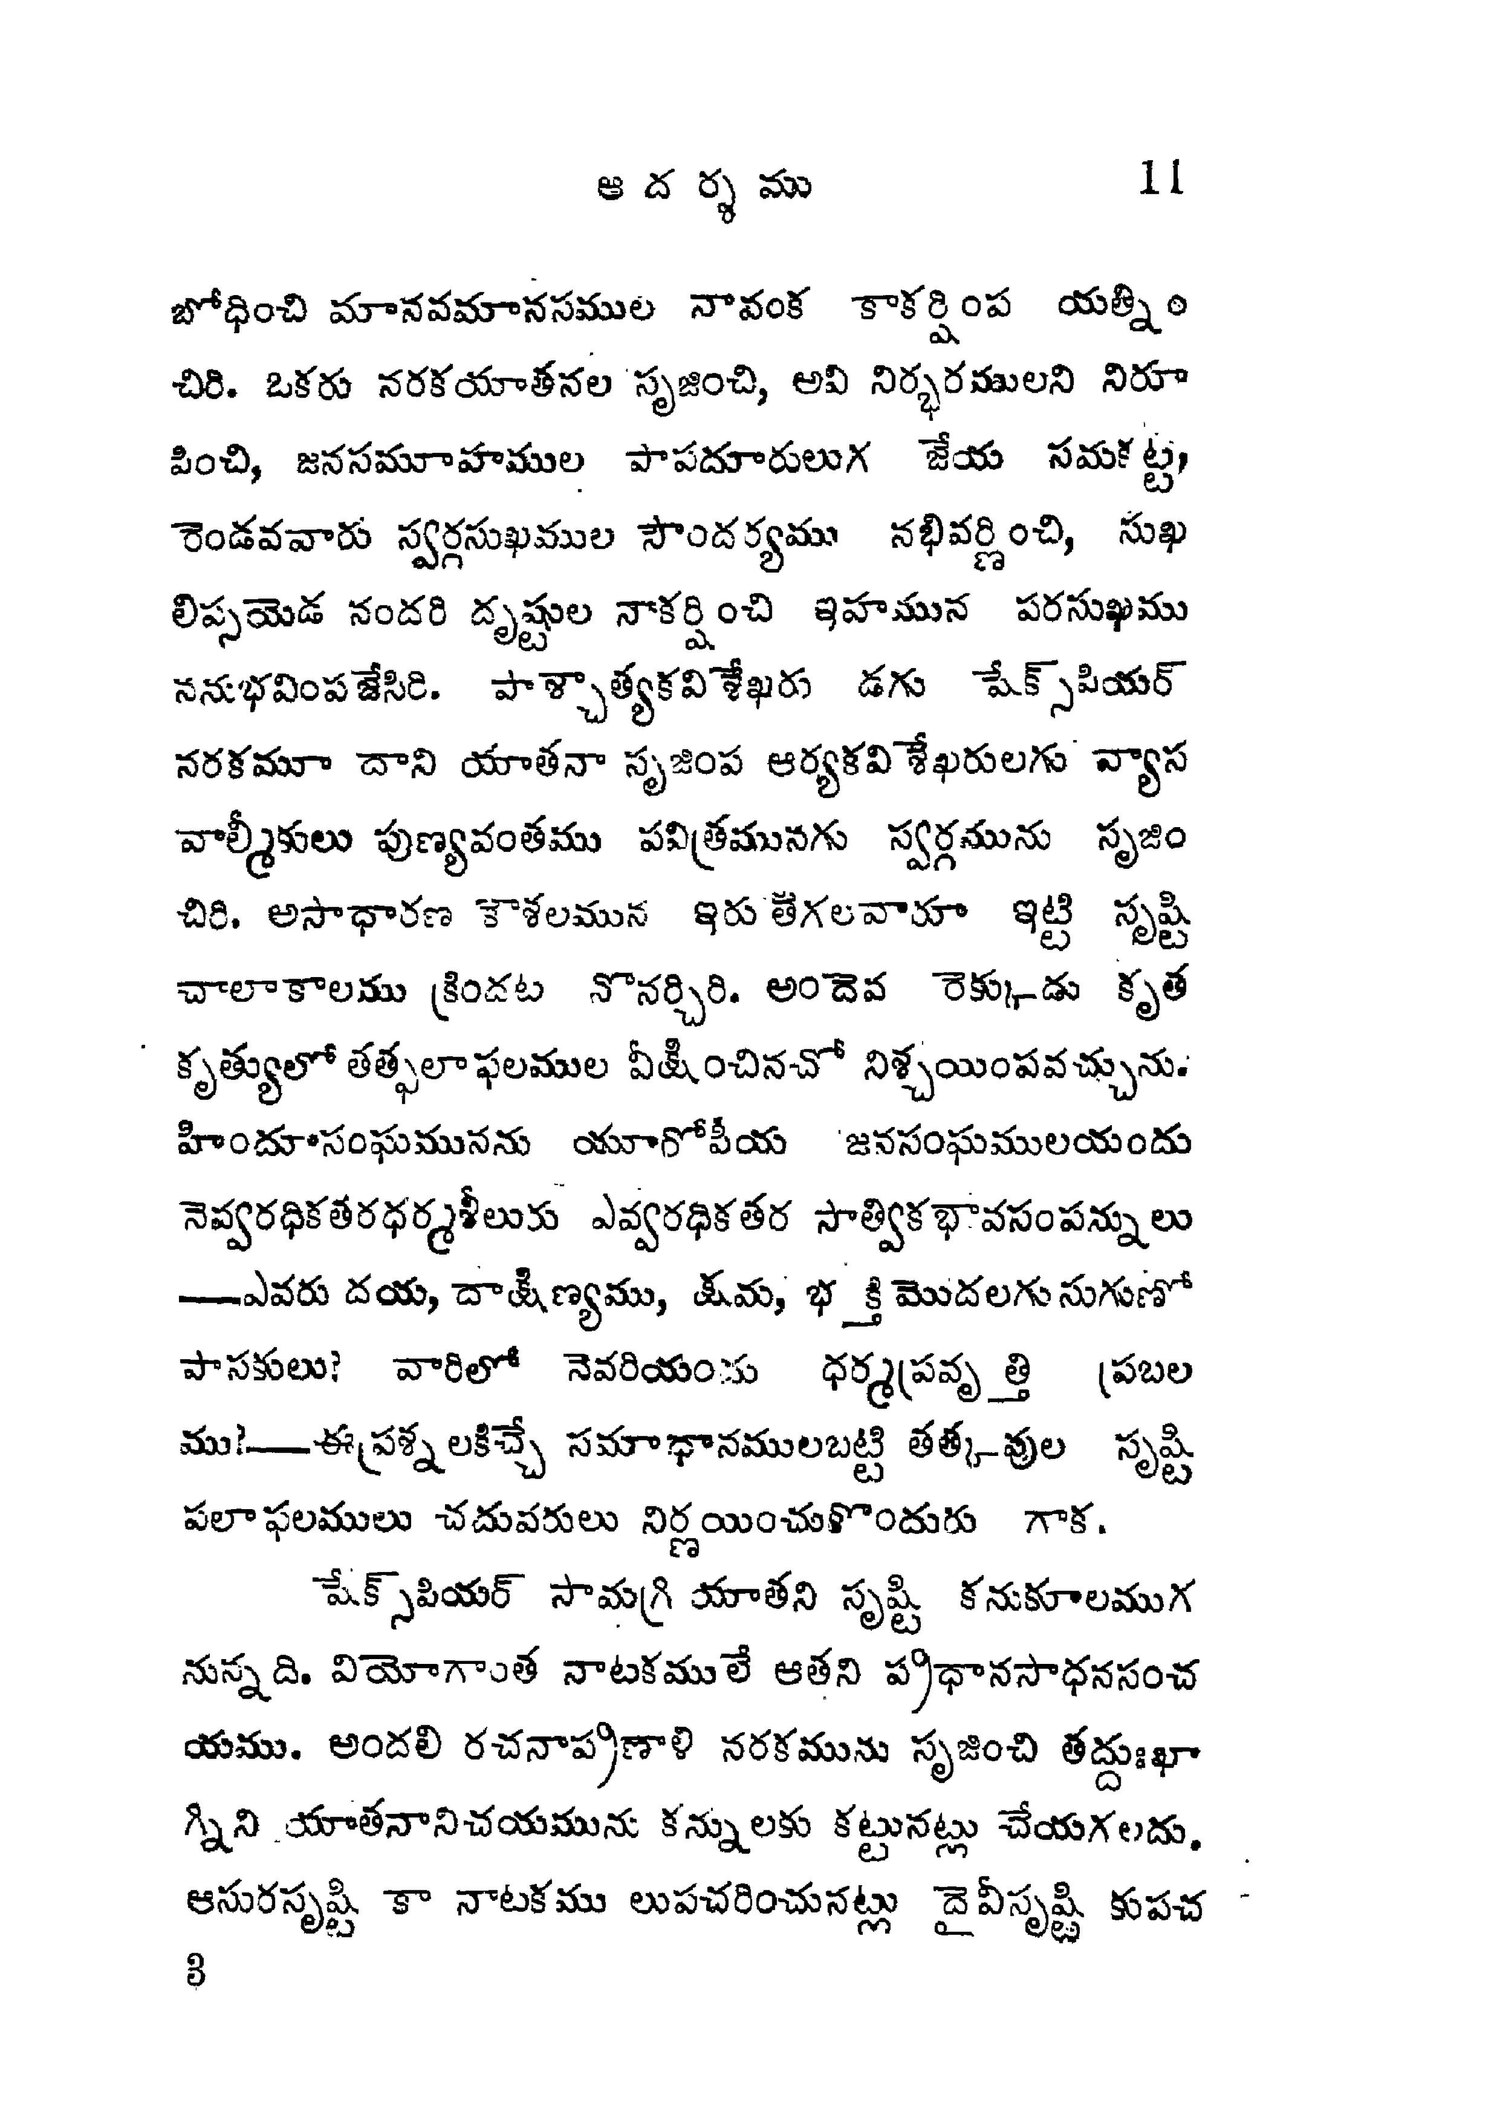బోధించి మానవమానసముల నావంక కాకర్షింప యత్నించిరి. ఒకరు నరకయాతనల సృజించి, అవి నిర్భరములని నిరూపించి, జనసమూహముల పాపదూరులుగ జేయ సమకట్ట, రెండవవారు స్వర్గసుఖముల సౌందర్యము నభివర్ణించి సుఖ లిప్సయెడ నందరి దృష్టుల నాకర్షించి ఇహమున పరసుఖము ననుభవింపజేసిరి. పాశ్చాత్యకవిశేఖరు డగు షేక్స్‌పియర్ నరకమూ దాని యాతనా సృజింప ఆర్యకవిశేఖరులగు వ్యాస వాల్మీకులు పుణ్యవంతము పవిత్రమునగు స్వర్గమును సృజించిరి. అసాధారణ కౌశలమున ఇరుతెగలవారూ ఇట్టి సృష్టి చాలాకాలము క్రిందట నొనర్చిరి. అందెవ రెక్కుడు కృతకృత్యులో తత్ఫలాఫలముల వీక్షించినచో నిశ్చయింపవచ్చును. హిందూసంఘమునను యూరోపీయ జనసంఘములయందు నెవ్వరధికతరధర్మశీలురు ఎవ్వరధికతర సాత్వికభావసంపన్నులు - ఎవరు దయ, దాక్షిణ్యము, క్షమ, భక్తి మొదలగు సుగుణో పాసకులు? వారిలో నెవరియందు ధర్మప్రవృత్తి ప్రబలము? - ఈప్రశ్నలకిచ్చే సమాధానములబట్టి తత్కవుల సృష్టి పలాఫలములు చదువరులు నిర్ణయించుకొందురు గాక.

షేక్స్‌పియర్ సామగ్రి యాతని సృష్టి కనుకూలముగ నున్నది. వియొగాంత నాటకములే ఆతని ప్రధానసాధనసంచయము. అందలి రచనాప్రణాళి నరకమును సృజించి తద్దు:ఖాగ్నిని యాతనానిచయమును కన్నులకు కట్టునట్లు చేయగలదు. ఆసురసృష్టి కా నాటకము లుపచరించునట్లు దైవీసృష్టి కుపచ